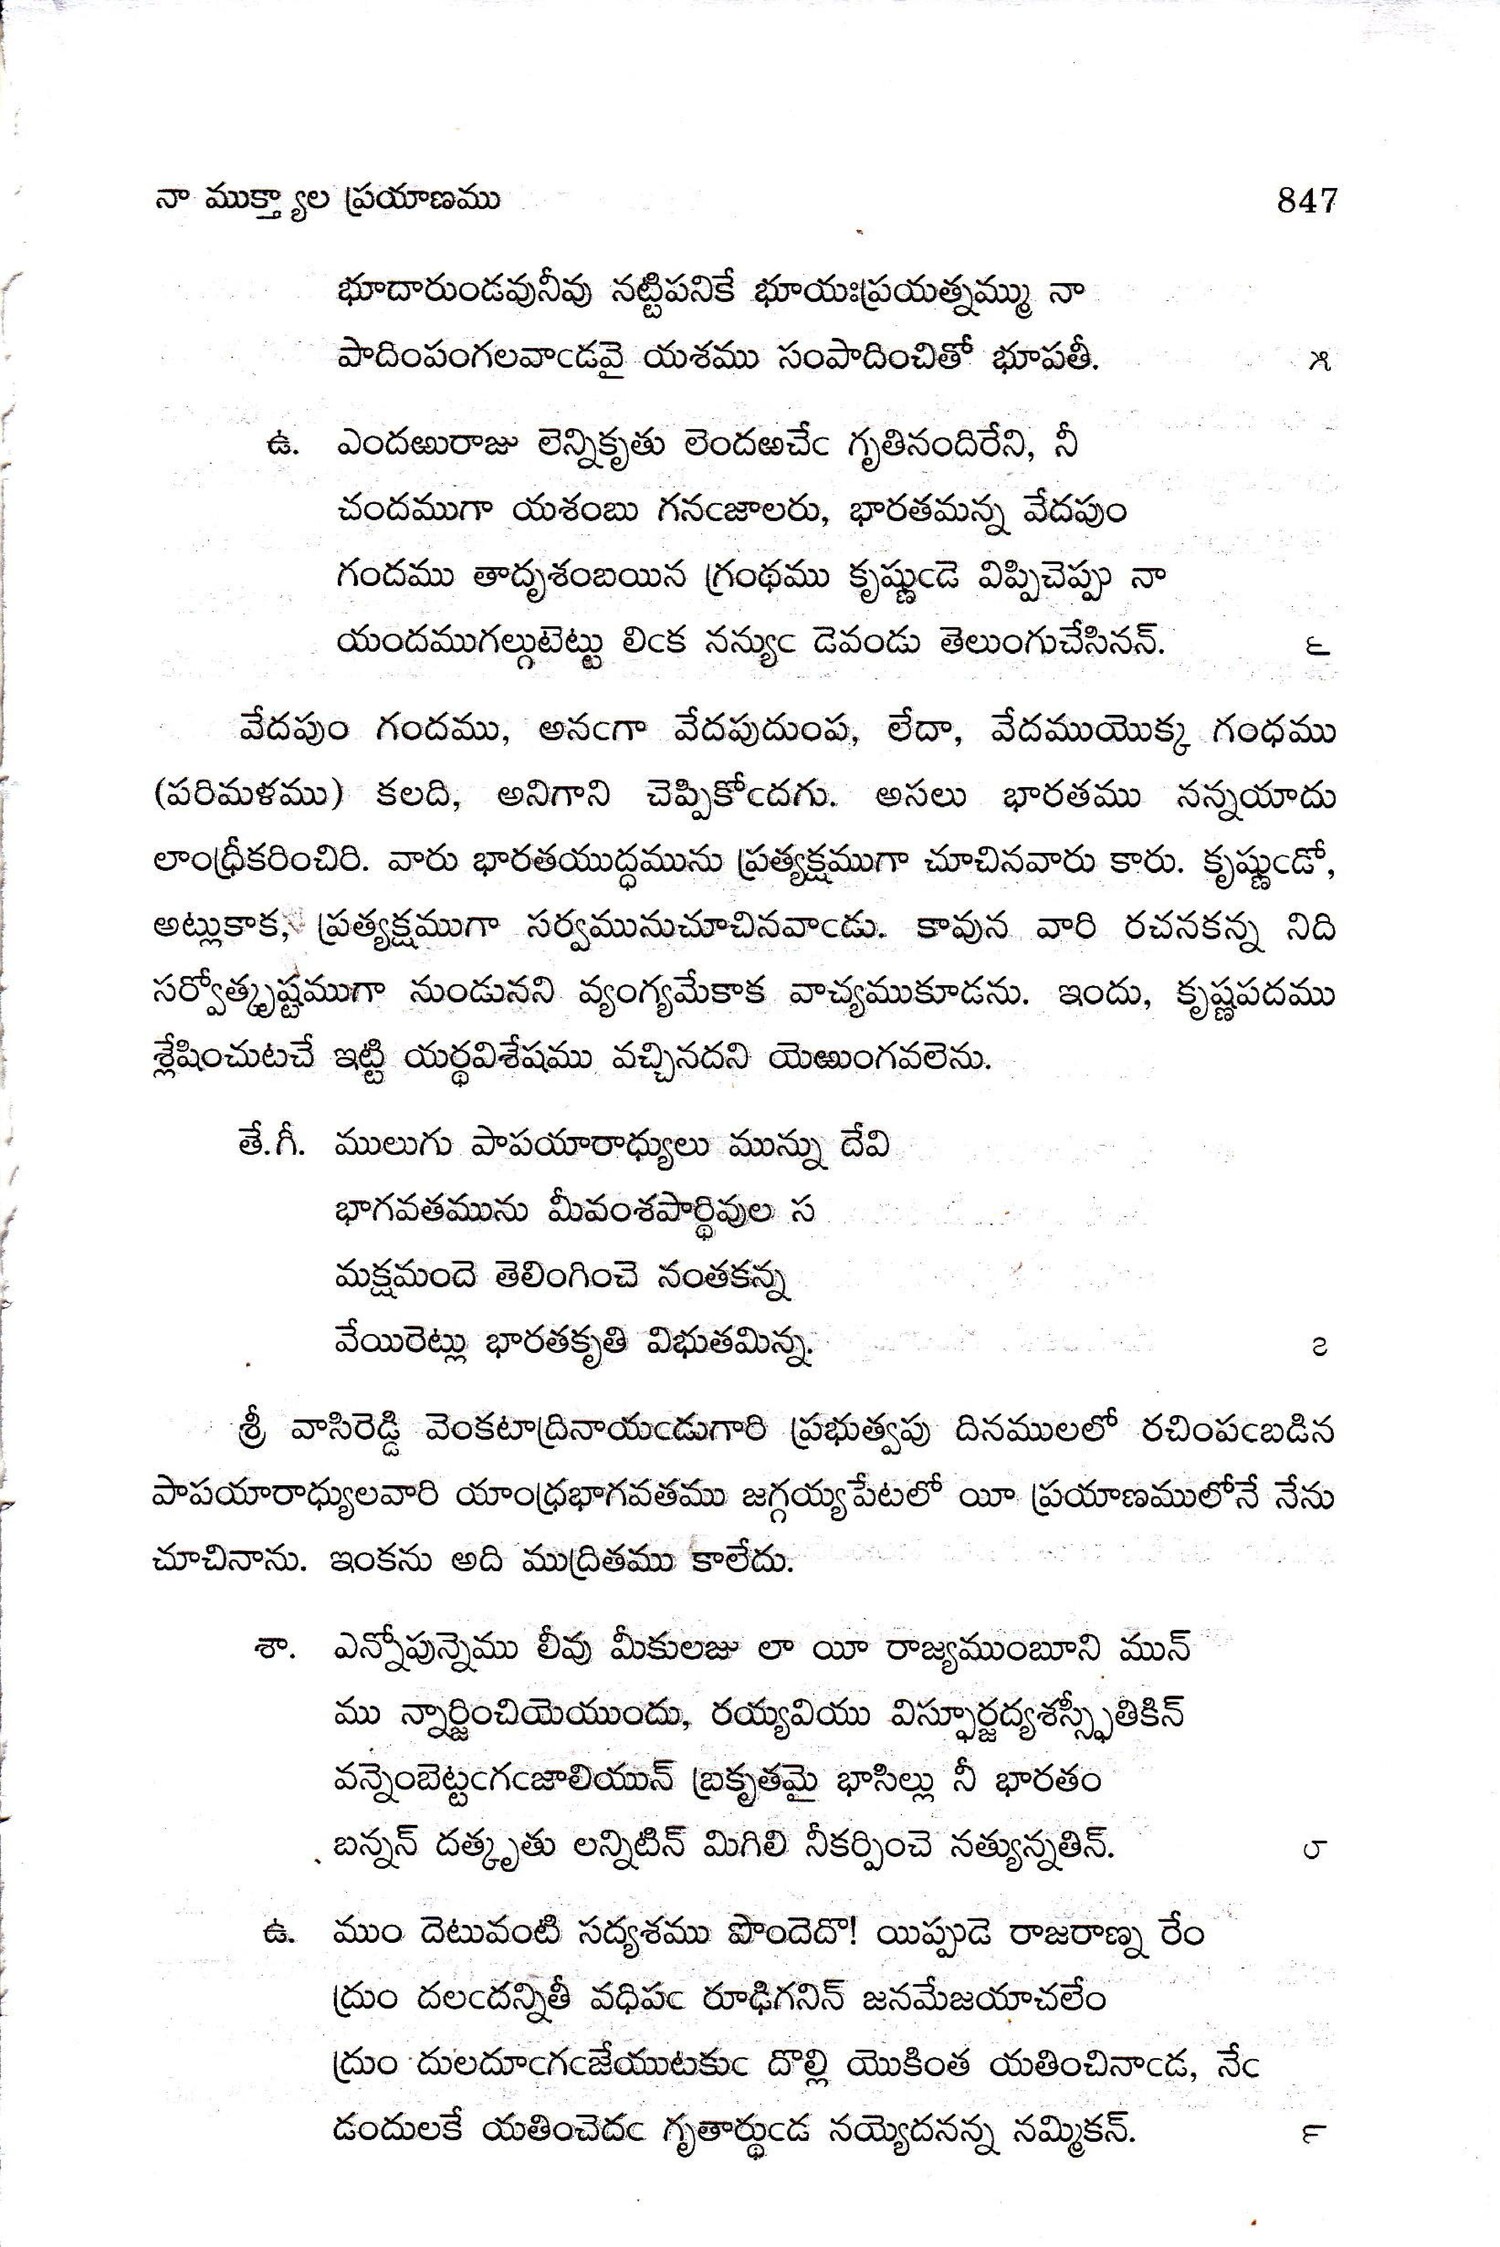భూదారుండవునీవు నట్టిపనికే భూయఃప్రయత్నమ్ము నా 
 పాదింపంగలవాఁడవై యశము సంపాదించితో భూపతీ. - 5 

ఉ. ఎందఱురాజు లెన్నికృతు లెందఱచేఁ గృతినందిరేని, నీ 
 చందముగా యశంబు గనఁజాలరు, భారతమన్న వేదపుం 
 గందము తాదృశంబయిన గ్రంథము కృష్ణుఁడె విప్పిచెప్పు నా 
 యందముగల్గుటెట్టు లిఁక నన్యుఁ డెవండు తెలుంగుచేసినన్. - 6
వేదపుం గందము, అనఁగా వేదపుదుంప, లేదా, వేదముయొక్క గంధము (పరిమళము) కలది, అనిగాని చెప్పికోఁదగు. అసలు భారతము నన్నయాదు లాంద్రీకరించిరి. వారు భారతయుద్ధమును ప్రత్యక్షముగా చూచినవారు కారు. కృష్ణుఁడో, అట్లుకాక, ప్రత్యక్షముగా సర్వమునుచూచినవాఁడు. కావున వారి రచనకన్న నిది సర్వోత్కృష్టముగా నుండునని వ్యంగ్యమేకాక వాచ్యముకూడను. ఇందు, కృష్ణపదము శ్లేషించుటచే ఇట్టి యర్ధవిశేషము వచ్చినదని యెఱుంగవలెను.

తే.గీ. ములుగు పాపయారాధ్యులు మున్ను దేవి 
 భాగవతమును మీవంశపార్థివుల స
 మక్షమందె తెలింగించె నంతకన్న
 వేయిరెట్లు భారతకృతి విభుతమిన్న - 7
శ్రీ వాసిరెడ్డి వెంకటాద్రినాయఁడుగారి ప్రభుత్వపు దినములలో రచింపఁబడిన పాపయారాధ్యులవారి యాంధ్రభాగవతము జగ్గయ్యపేటలో యీ ప్రయాణములోనే నేను చూచినాను. ఇంకను అది ముద్రితము కాలేదు.

శా. ఎన్నోపున్నెము లీవు మీకులజు లా యీ రాజ్యముంబూని మున్ 
 ము న్నార్జించియెయుందు, రయ్యవియు విస్ఫూర్జద్యశస్స్ఫీతికిన్ 
 వన్నెంబెట్టఁగఁజాలియున్ బ్రకృతమై భాసిల్లు నీ భారతం 
 బన్నన్ దత్కృతు లన్నిటిన్ మిగిలి నీకర్పించె నత్యున్నతిన్. - 8

ఉ. ముం దెటువంటి సద్యశము పొందెదొ! యిప్పుడె రాజరాణ్న రేం
 ద్రుం దలఁదన్నితీ వధిపఁ రూఢిగనిన్ జనమేజయాచలేం 
 ద్రుం దులదూఁగఁజేయుటకుఁ దొల్లి యొకింత యతించినాఁడ, నేఁ 
 డందులకే యతించెదఁ గృతార్థుఁడ నయ్యెదనన్న నమ్మికన్. - 9